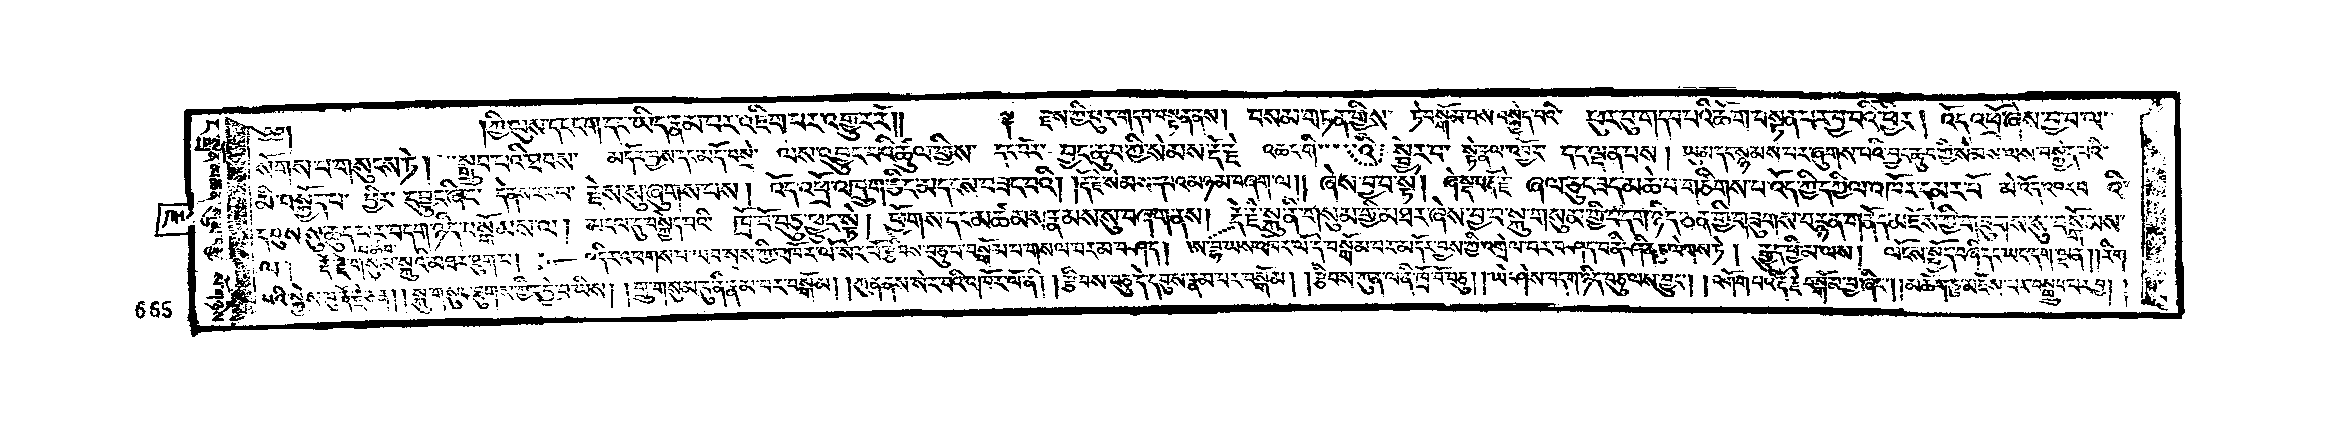༄༅། །ཀྱི་ལུས་དང་ངག་དང་ཡིད་རྣམས་པར་འཇིག་པར་འགྱུར་རོ།། ༈ རྫས་ཀྱི་ཕུར་གདབ་བསྟན་ནས།  བསམ་གཏན་གྱིས་ཏེ་བསྒོམ་པས་བསྐྱེད་པའི་ཕུར་བུ་གདབ་པའི་ཆོ་ག་བསྟན་པར་བྱ་བའི་ཕྱིར། འོད་འཕྲོ་ཞེས་བྱ་བ་ལ་
སོགས་པ་གསུངས་ཏེ། སྒྲུབ་པའི་ཐབས་མདོར་བྱས་དང་མདོ་བསྲེ་ལས་འབྱུང་བའི་ཚུལ་གྱིས་དང་པོར་བྱང་ཆུབ་ཀྱི་སེམས་རྡོ་རྗེ་འཆང་གི་འི་སྦྱོར་བ་སྟེ་རྣལ་འབྱོར་དང་ལྡན་པས། ཡུམ་དང་སྙོམས་པར་ཞུགས་པའི་བྱང་ཆུབ་ཀྱི་སེམས་ལས་བསྐྱེད་པའི
མི་བསྐྱོད་པ་ཕྱིར་དབྱུང་ཞིང་དེ་ནས་རང་ལ་རྗེས་སུ་ཞུགས་པས། འོད་འཕྲོ་འཁྲུག་ཅིང་མདངས་བཟང་བའི། ། རྡོ་རྗེ་སེམས་དཔའ་མཉམ་བཞག་ལ།།  ཞེས་བྱ་བ་སྟེ། ཞེ་སྡང་རྡོ་རྗེ་ཞལ་ཅུང་ཟད་མཆེ་བ་གཙིགས་པ་འོད་ཀྱི་དཀྱིལ་འཁོར་དམར་པོ་མེ་འོད་འབར་བ་འི་
དབུས་སུ་ཆུད་པར་བདག་ཉིད་བསྒོམས་ལ། མངལ་དུ་བསྐྱེད་པའི་ཁྲོ་བོ་བཅུ་ཕྱུང་སྟེ། ཕྱོགས་དང་མཚམས་རྣམས་སུ་བཞག་ནས། རྡོ་རྗེ་སྐུ་ནི་གསུམ་གྱི་མཐར་ཞེས་བྱ་བ་སྐུ་གསུམ་གྱི་བདག་ཉིད་ཅན་གྱི་གཟུགས་བརྙན་གནོད་མཛེས་ཀྱི་གཟུགས་སུ་བསྒོམས་
ལ། རྡོ་རྗེ་པ་ཚབ་གསུམ་སྐུའི་མཐར་ཐུག་པ། H.་འདིར་འཕགས་པ་ཡབ་སྲས་ཀྱི་འཁོར་ལོ་སེར་པོ་རྩིབས་བཅུ་པ་བསྒོམ་པ་གསལ་བར་མ་བཤད། ཨ་བྷ་ཡས་འཁོར་ལོ་དེ་བསྒོམ་པར་མདོར་བྱས་ཀྱི་འགྲེལ་པར་བཤད་པ་ནི་ཤིན་ཏུ་ལེགས་ཏེ། རྒྱུད་ཕྱི་མ་ལས། ལོངས་སྤྱོད་བཞི་དང་ཡང་དག་ལྡན། །རིག་
པའི་སྐྱེས་བུ་རྡོ་རྗེ་ཅན། །སྐུ་གསུང་ཐུགས་ཀྱི་དབྱེ་བ་ཡིས། །གྲུ་གསུམ་དུ་ནི་རྣམ་པར་བསྒོམ། །ཀུན་ནས་སེར་བའི་འཁོར་ལོ་ནི། །རྩིབས་བཅུ་དེ་དབུས་རྣམ་པར་བསྒོམ། །རྩིབས་ཀུན་ལ་ནི་ཁྲོ་བོ་བཅུ། །ཡེ་ཤེས་བདག་ཉིད་བཅུ་ལས་བྱུང་། །འགོག་པའི་རྡོ་རྗེ་བསྒོམ་བྱ་ཞིང་། །མཆོག་ཏུ་མཛེས་པར་བསྒྲུབ་པར་བྱ། །